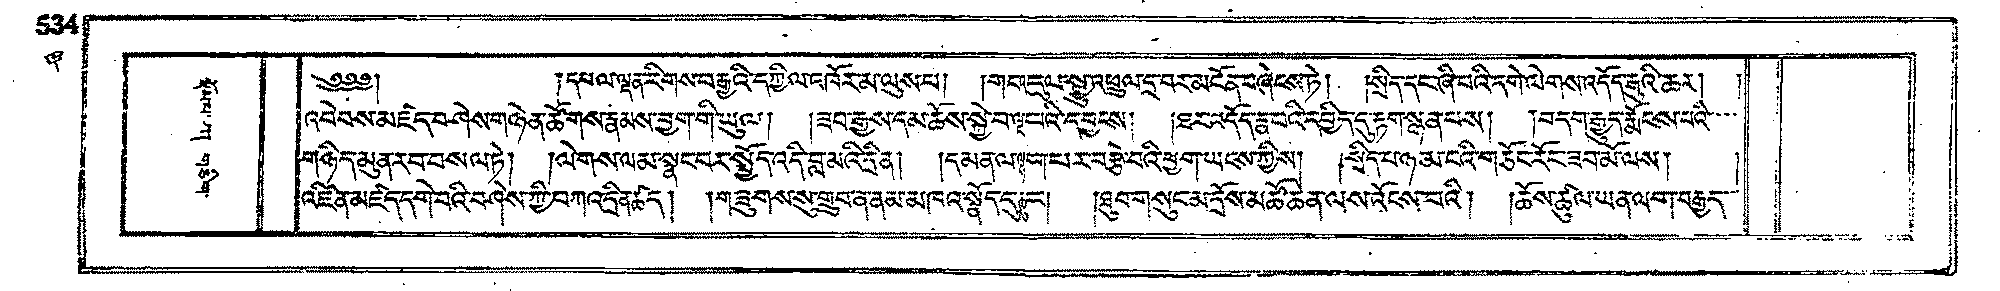༄༅༅། །དཔལ་ལྡན་རིགས་བརྒྱའི་དཀྱིལ་འཁོར་མ་ལུས་པ། །གང་འདུལ་སྒྱུ་འཕྲུལ་དྲ་བར་མངོན་བཞེངས་ཏེ། །སྲིད་དང་ཞི་བའི་དགེ་ལེགས་འདོད་རྒྱུའི་ཆར། །
འབེབས་མཛད་བཤེས་གཉེན་ཚོགས་རྣམས་ཕྱག་གི་ཡུལ། །ཟབ་རྒྱས་དམ་ཆོས་སྐྱེ་བ་ལྔ་པའི་དབྱངས། །ཐར་འདོད་རྣ་བའི་དཔྱིད་དུ་རྟག་སྙན་པས། །བདག་རྒྱུད་རྨོངས་པའི་
གཉིད་མུན་རབ་བསལ་ཏེ། །ལེགས་ལམ་སྣང་བར་སྤྱོད་འདི་བླ་མའི་དྲིན། །དམན་ལ་ལྷག་པར་བརྩེ་བའི་ཕྱག་ཡངས་ཀྱིས། །སྲིད་པ་ཉམ་ངའི་གཅོང་རོང་ཟབ་མོ་ལས། །
འཛིན་མཛད་དགེ་བའི་བཤེས་ཀྱི་བཀའ་དྲིན་ཚད། །གཟུགས་སུ་གྲུབ་ན་ནམ་མཁའ་སྣོད་དུ་ཆུང་། །ཐུབ་གསུང་མ་དྲོས་མཚོ་ཆེན་ལས་འོངས་པའི། །ཆོས་ཚུལ་ཡན་ལག་བརྒྱད་